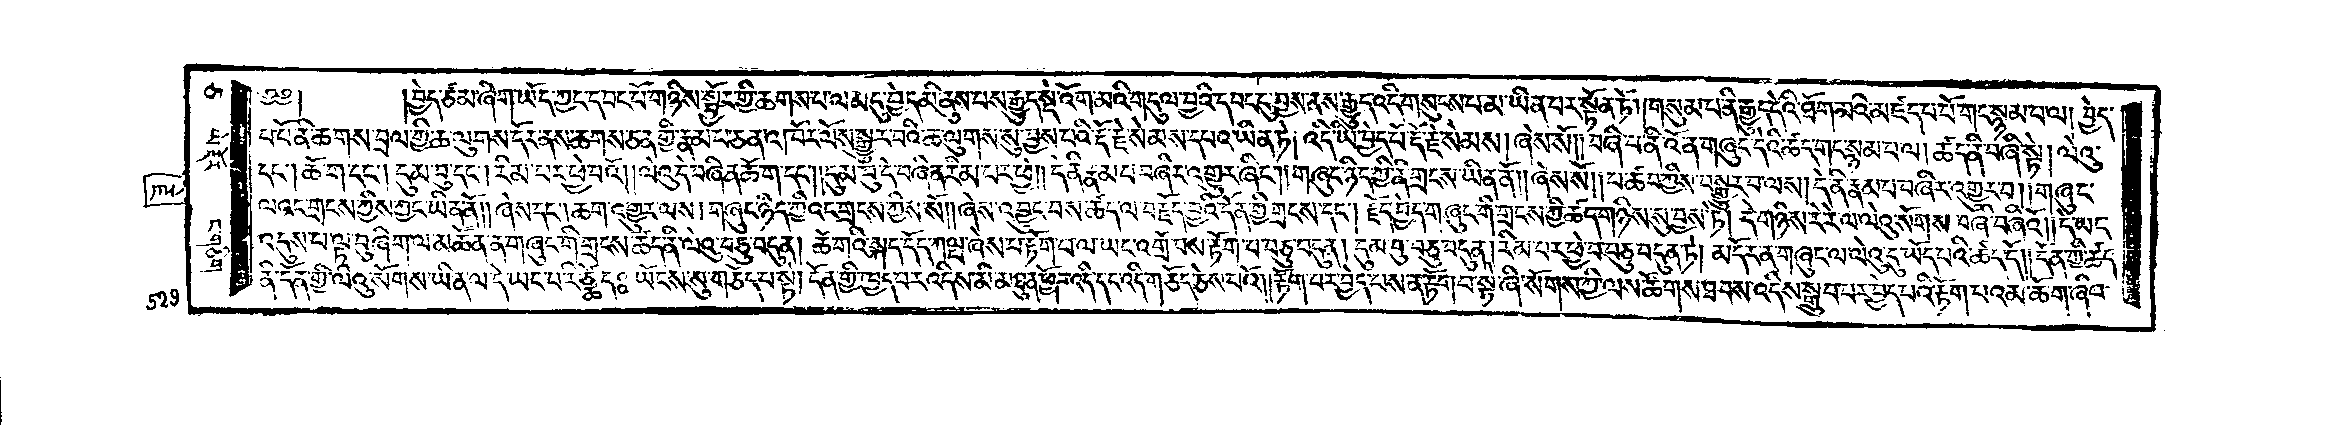༄༅། །བྱེད་ཙམ་ཞིག་ཡོད་ཀྱང་དབང་པོ་གཉིས་སྦྱོར་གྱི་ཆགས་པ་ལམ་དུ་བྱེད་མི་ནུས་པས་རྒྱུད་སྡེ་འོག་མའི་གདུལ་བྱའི་དབང་དུ་བྱས་ནས་རྒྱུད་འདི་གསུངས་པ་མ་ཡིན་པར་སྟོན་ཏོ། །གསུམ་པ་ནི་རྒྱུད་དེའི་ཐོག་མའི་མཛད་པ་པོ་གང་སྙམ་པ་ལ། བྱེད་
པ་པོ་ནི་ཆགས་བྲལ་གྱི་ཆ་ལུགས་དོར་ནས་ཆགས་ཅན་གྱི་རྣམ་པ་ཅན་འཁོར་ལོས་སྒྱུར་བའི་ཆ་ལུགས་སུ་བྱས་པའི་རྡོ་རྗེ་སེམས་དཔའ་ཡིན་ཏེ། འདི་ཡི་བྱེད་པོ་རྡོ་རྗེ་སེམས། ཞེས་སོ། །བཞི་པ་ནི་འོ་ན་གཞུང་དེའི་ཚད་གང་སྙམ་པ་ལ། ཚད་ནི་བཞི་སྟེ། ལེའུ་
དང་། ཆོ་ག་དང་། དུམ་བུ་དང་། རིམ་པར་ཕྱེ་བའོ། །ལེའུ་དེ་བཞིན་ཆོ་ག་དང་། །དུམ་བུ་དེ་བཞིན་རིམ་པར་ཕྱེ། །དེ་ནི་རྣམ་པ་བཞིར་འགྱུར་ཞིང་། །གཞུང་ཉིད་ཀྱི་ནི་གྲངས་ཡིན་ནོ། །ཞེས་སོ། །པ་ཚབ་ཀྱིས་བསྒྱུར་བ་ལས། དེ་ནི་རྣམ་པ་བཞིར་འགྱུར་བ། །གཞུང་
ལའང་གྲངས་ཀྱིས་ཀྱང་ཡིན་ནོ། །ཞེས་དང་། ཆག་འགྱུར་ལས། གཞུང་ཉིད་ཀྱིའང་གྲངས་ཀྱིས་སོ། །ཞེས་འབྱུང་བས་ཚད་ལ་བརྗོད་བྱའི་དོན་གྱི་གྲངས་དང་། རྗོད་བྱེད་གཞུང་གི་གྲངས་ཀྱི་ཚད་གཉིས་སུ་བྱས་ཏེ། དེ་གཉིས་རེ་རེ་ལ་ལེའུ་སོགས་བཞི་བཞིའོ། །དེ་ཡང་
འདུས་པ་ལྟ་བུ་ཞིག་ལ་མཚོན་ན་གཞུང་གི་གྲངས་ཚད་ནི་ལེའུ་བཅུ་བདུན། ཆོ་གའི་སྐད་དོད་ཀལ་པ་ཞེས་པ་རྟོག་པ་ལ་ཡང་འགྲོ་བས་རྟོག་པ་བཅུ་བདུན། དུམ་བུ་བཅུ་བདུན། རིམ་པར་ཕྱེ་བ་བཅུ་བདུན་ཏེ། མདོར་ན་གཞུང་ལ་ལེའུ་དུ་ཡོད་པའི་ཚད་དོ། །དོན་གྱི་ཚད་
ནི་དོན་གྱི་ལེའུ་སོགས་ཡིན་ལ་དེ་ཡང་པ་རི་ཙེཚདཿ ཡོངས་སུ་གཅོད་པ་སྟེ། དོན་གྱི་ཁྱད་པར་འདིས་མི་མཐུན་ཕྱོགས་འདི་དང་འདི་གཅོད་ཅེས་པའོ། །རྟོག་པར་བྱེད་པས་ན་རྟོག་པ་སྟེ་ཞི་སོགས་ཀྱི་ལས་ཚོགས་ཐབས་འདིས་སྒྲུབ་པར་བྱེད་པའི་རྟོག་པའམ་ཆོ་ག་ཞིབ་